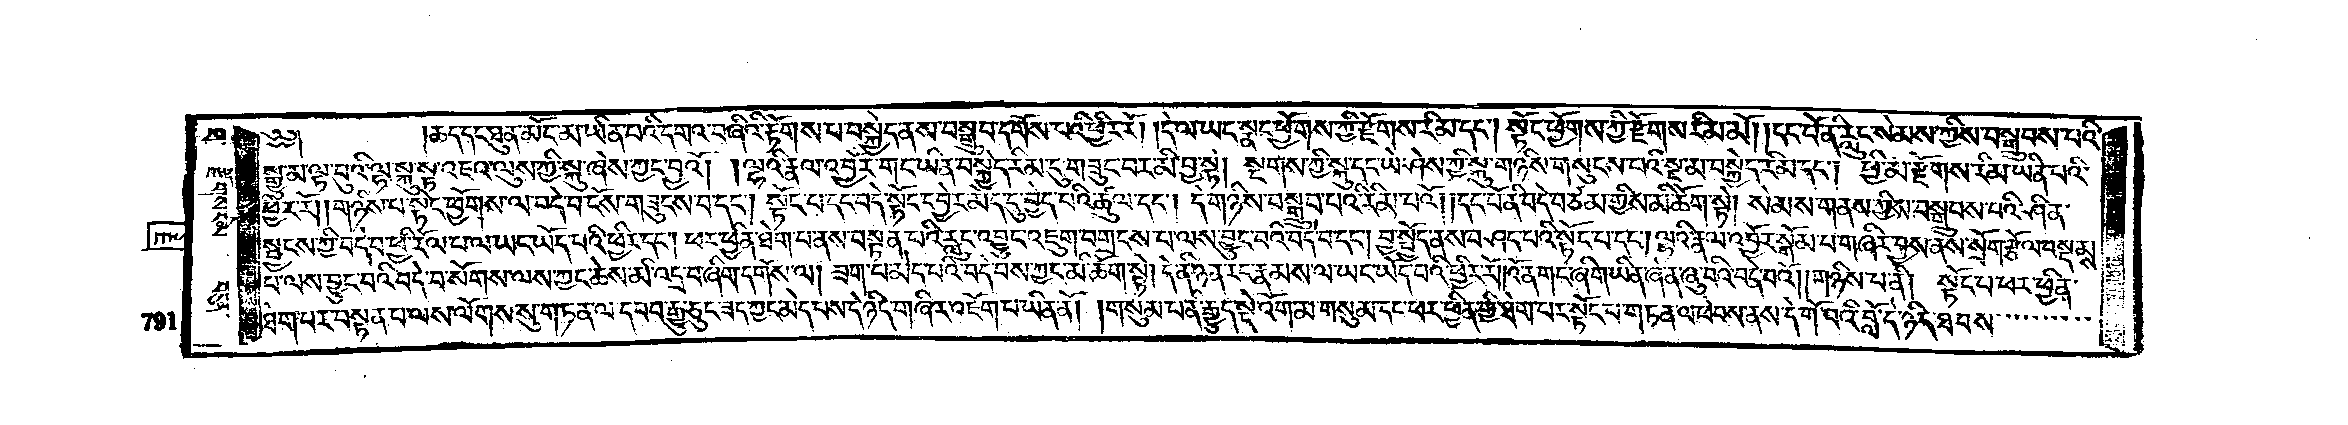༄༅། །ཆད་དང་ཐུན་མོང་མ་ཡིན་པའི་དགའ་བཞིའི་རྟོགས་པ་བསྐྱེད་ནས་བསྒྲུབ་དགོས་པའི་ཕྱིར་རོ། །དེ་ལ་ཡང་སྣང་ཕྱོགས་ཀྱི་རྫོགས་རིམ་དང་། སྟོང་ཕྱོགས་ཀྱི་རྫོགས་རིམ་མོ། །དང་པོ་ནི་རླུང་སེམས་ཀྱིས་བསྒྲུབས་པའི་
སྒྱུ་མ་ལྟ་བུའི་ལྷ་སྐུ་སྟེ་འཇའ་ལུས་ཀྱི་སྐུ་ཞེས་ཀྱང་བྱའོ། །ལྷའི་རྣལ་འབྱོར་གང་ཡིན་བསྐྱེད་རིམ་དུ་གཟུང་བར་མི་བྱ་སྟེ། སྔགས་ཀྱི་སྐུ་དང་ཡེ་ཤེས་ཀྱི་སྐུ་གཉིས་གསུངས་པའི་སྔ་མ་བསྐྱེད་རིམ་དང་། ཕྱི་མ་རྫོགས་རིམ་ཡིན་པའི་
ཕྱིར་རོ། །གཉིས་པ་སྟོང་ཕྱོགས་ལ་བདེ་བ་ངོས་གཟུངས་བ་དང་། སྟོང་པ་དང་བདེ་སྟོང་དབྱེར་མེད་དུ་བྱེད་པའི་ཚུལ་དང་། དེ་གཉིས་བསྒྲུབ་པའི་རིམ་པའོ། །དང་པོ་ནི་བདེ་བ་ཙམ་གྱིས་མི་ཆོག་སྟེ། སེམས་གནས་ཀྱིས་བསྒྲུབས་པའི་ཤིན་
སྦྱངས་ཀྱི་བདེ་བ་ཕྱི་རོལ་པ་ལ་ཡང་ཡོད་པའི་ཕྱིར་དང་། ཕར་ཕྱིན་ཐེག་པ་ནས་བསྟན་པའི་རླུང་འབྱུང་འཇུག་བགྲངས་པ་ལས་བྱུང་བའི་བདེ་བ་དང་། བྱ་སྤྱོད་ནས་བཤད་པའི་སྟོང་པ་དང་། ལྷའི་རྣལ་འབྱོར་སྒོམ་པ་གཞིར་བྱས་ནས་སྲོག་རྩོལ་བསྡམས་
པ་ལས་བྱུང་བའི་བདེ་བ་སོགས་ལས་ཀྱང་ཆེས་མི་འདྲ་བ་ཞིག་དགོས་ལ། ཟག་པ་མེད་པའི་བདེ་བས་ཀྱང་མི་ཆོག་སྟེ། དེ་ནི་ཉན་རང་རྣམས་ལ་ཡང་ཡོད་པའི་ཕྱིར་རོ། །འོ་ན་གང་ཞིག་ཡིན་ཞེ་ན་ཞུ་བའི་བདེ་བའོ། །གཉིས་པ་ནི། སྟོང་པ་ཕར་ཕྱིན་
ཐེག་པར་བསྟན་པ་ལས་ལོགས་སུ་གཏན་ལ་དབབ་རྒྱུ་ཅུང་ཟད་ཀྱང་མེད་པས་དེ་ཉིད་གཞིར་འཇོག་པ་ཡིན་ནོ། །གསུམ་པ་ནི་རྒྱུད་སྡེ་འོག་མ་གསུམ་དང་ཕར་ཕྱིན་གྱི་ཐེག་པར་སྟོང་པ་གཏན་ལ་ཕེབས་ནས་དེ་གོ་བའི་བློ་དེ་ཉིད་ཐབས་